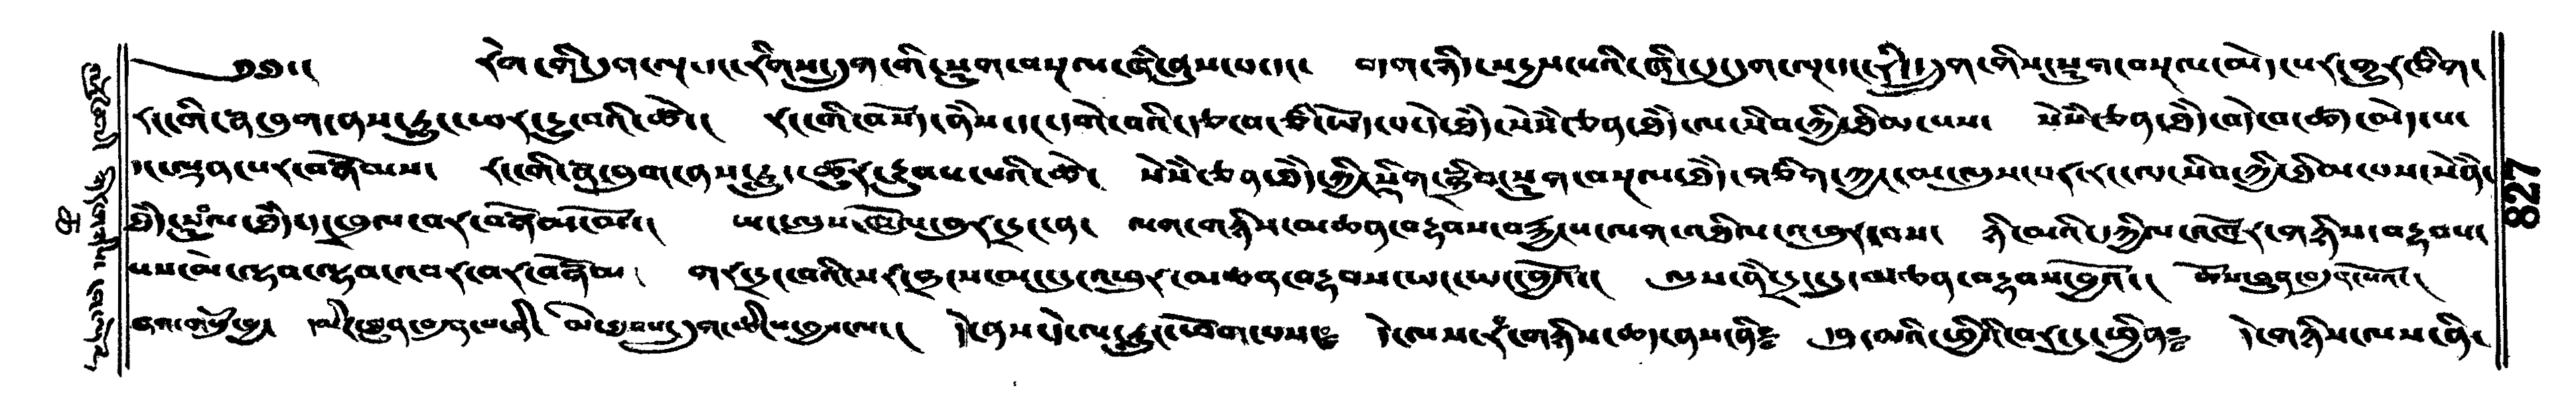རེག་གི་དུག་ལྔ་དང་རིགས་དྲུག་གི་སྡུག་བསྔལ་ཞི་ནུས་པ་དང་། བདག་ཉིད་སངས་རྒྱས་པའི་ཞིང་དུ་དུག་ལྔ་དང་རིགས་དྲུག་གིས་སྡུག་བསྔལ་མེད་པར་གྱུར་ཅིག 
རང་གི་སྣ་བུག་ནས་རླུང་ཕར་རྒྱུ་བའི་ཚེ། རང་གི་བསོད་ནམས་དང་དགེ་བའི་རྩ་བ་ཅི་ཡོད་པ་དེ་ཐམས་ཅད་སེམས་ཅན་ཐམས་ཅད་ལ་སིབ་ཀྱི་ཐིམ་པས། སེམས་ཅན་ཐམས་ཅད་བདེ་བ་ཚད་མེད་པ་
དང་ལྡན་པར་བསྒོམས། རང་གི་སྣ་བུག་ནས་རླུང་ཚུར་རྔུབ་པའི་ཚེ། སེམས་ཅན་ཐམས་ཅད་ཀྱི་སྡིག་སྒྲིབ་སྡུག་བསྔལ་ཐམས་ཅད་གཅིག་ཀྱང་མ་ལུས་པར་རང་ལ་སིབ་ཀྱི་ཐིམ་པས་སེམས་ཅན་
ཐམས་ཅད་སྡུག་བསྔལ་ཐམས་ཅད་དང་བྲལ་བར་བསྒོམ་མོ།ཡང་ལུས་ཁོལ་བུར་དྲང་ན། ལག་གཉིས་མཆན་བརྡབ་བརྐྱང་། ལག་འཐིལ་འཕུར་བས། ཉི་མའི་དཀྱིལ་འཁོར་གཉིས་བརྡབས་
པས་མེ་ལྷབ་ལྷབ་འབར་བར་བསྒོམ། གར་དྲང་བའི་སར་གྲངས་མང་དུ་འཕུར། མཆན་བརྡབས་ཡང་ཡང་བྱའོ། ལུས་ནམ་དྲང་དུ་མཆན་བརྡབས་བྱའོ། ཆོས་ཐུན་བདུན་པའོ། 
ཞག་གསུམ་བྱ། དམིགས་ཐུན་བདུན་པ་ནི། མེ་ཐབས་དྲུག་ཆིངས་བྱས་ལ། དེ་ནས་དེ་ལ་རླུང་ཕོག་པས༔ དེ་ལས་རྃ་གཉིས་ཆད་ནས་ནི༔ དབུ་མའི་ཕྱྀ་ཡི་བར་དུ་ཕྱིན༔ དེ་གཉིས་ལས་ནི་